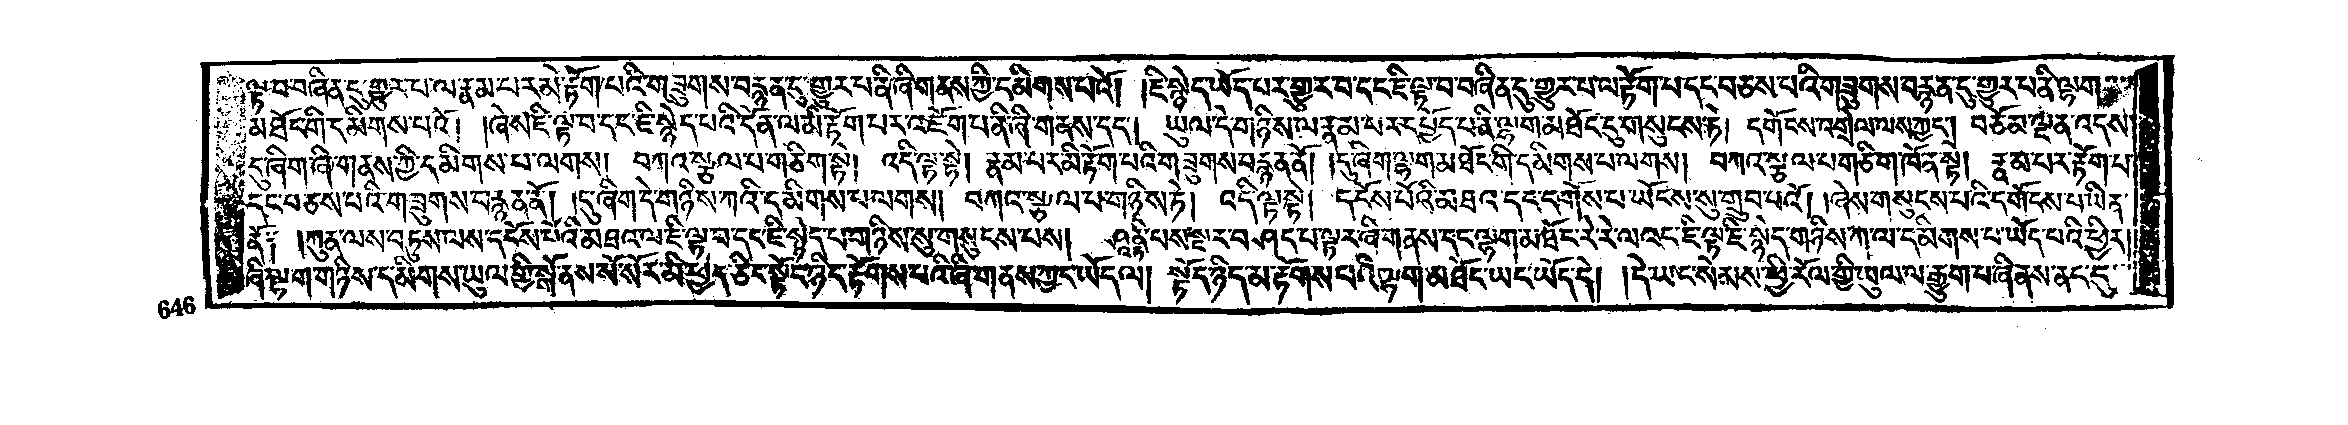ལྟ་བ་བཞིན་དུ་གྱུར་པ་ལ་རྣམ་པར་མི་རྟོག་པའི་གཟུགས་བརྙན་དུ་གྱུར་པ་ནི་ཞི་གནས་ཀྱི་དམིགས་པའོ། །ཇི་སྙེད་ཡོད་པར་གྱུར་པ་དང་ཇི་ལྟ་བ་བཞིན་དུ་གྱུར་པ་ལ་རྟོག་པ་དང་བཅས་པའི་གཟུགས་བརྙན་དུ་གྱུར་པ་ནི་ལྷག་
མཐོང་གི་དམིགས་པའོ། །ཞེས་ཇི་ལྟ་བ་དང་ཇི་སྙེད་པའི་དོན་ལ་མི་རྟོག་པར་འཇོག་པ་ནི་ཞི་གནས་དང་། ཡུལ་དེ་གཉིས་ལ་རྣམ་པར་དཔྱོད་པ་ནི་ལྷག་མཐོང་དུ་གསུངས་ཏེ། དགོངས་འགྲེལ་ལས་ཀྱང་། བཅོམ་ལྡན་འདས་
དུ་ཞིག་ཞི་གནས་ཀྱི་དམིགས་པ་ལགས། བཀའ་སྩལ་པ་གཅིག་སྟེ། འདི་ལྟ་སྟེ། རྣམ་པར་མི་རྟོག་པའི་གཟུགས་བརྙན་ནོ། །དུ་ཞིག་ལྷག་མཐོང་གི་དམིགས་པ་ལགས། བཀའ་སྩལ་པ་གཅིག་ཁོ་ན་སྟེ། རྣམ་པར་རྟོག་པ་
དང་བཅས་པའི་གཟུགས་བརྙན་ནོ། །དུ་ཞིག་དེ་གཉིས་ཀའི་དམིགས་པ་ལགས། བཀའ་སྩལ་པ་གཉིས་ཏེ། འདི་ལྟ་སྟེ། དངོས་པོའི་མཐའ་དང་དགོས་པ་ཡོངས་སུ་གྲུབ་པའོ། །ཞེས་གསུངས་པའི་དགོངས་པ་ཡིན་
ནོ༑ ༑ཀུན་ལས་བཏུས་ལས་དངོས་པོའི་མཐའ་ལ་ཇི་ལྟ་བ་དང་ཇི་སྙེད་པ་གཉིས་སུ་གསུངས་པས། ཤཱནྟི་པས་སྔར་བཤད་པ་ལྟར་ཞི་གནས་དང་ལྷག་མཐོང་རེ་རེ་ལའང་ཇི་ལྟ་ཇི་སྙེད་གཉིས་ཀ་ལ་དམིགས་པ་ཡོད་པའི་ཕྱིར་
ཞི་ལྷག་གཉིས་དམིགས་ཡུལ་གྱི་སྒོ་ནས་སོ་སོར་མི་ཕྱེད་ཅིང་སྟོང་ཉིད་རྟོགས་པའི་ཞི་གནས་ཀྱང་ཡོད་ལ། སྟོང་ཉིད་མ་རྟོགས་པའི་ལྷག་མཐོང་ཡང་ཡོད་དོ། །དེ་ཡང་སེམས་ཕྱི་རོལ་གྱི་ཡུལ་ལ་རྒྱུག་པ་ཞི་ནས་ནང་དུ་